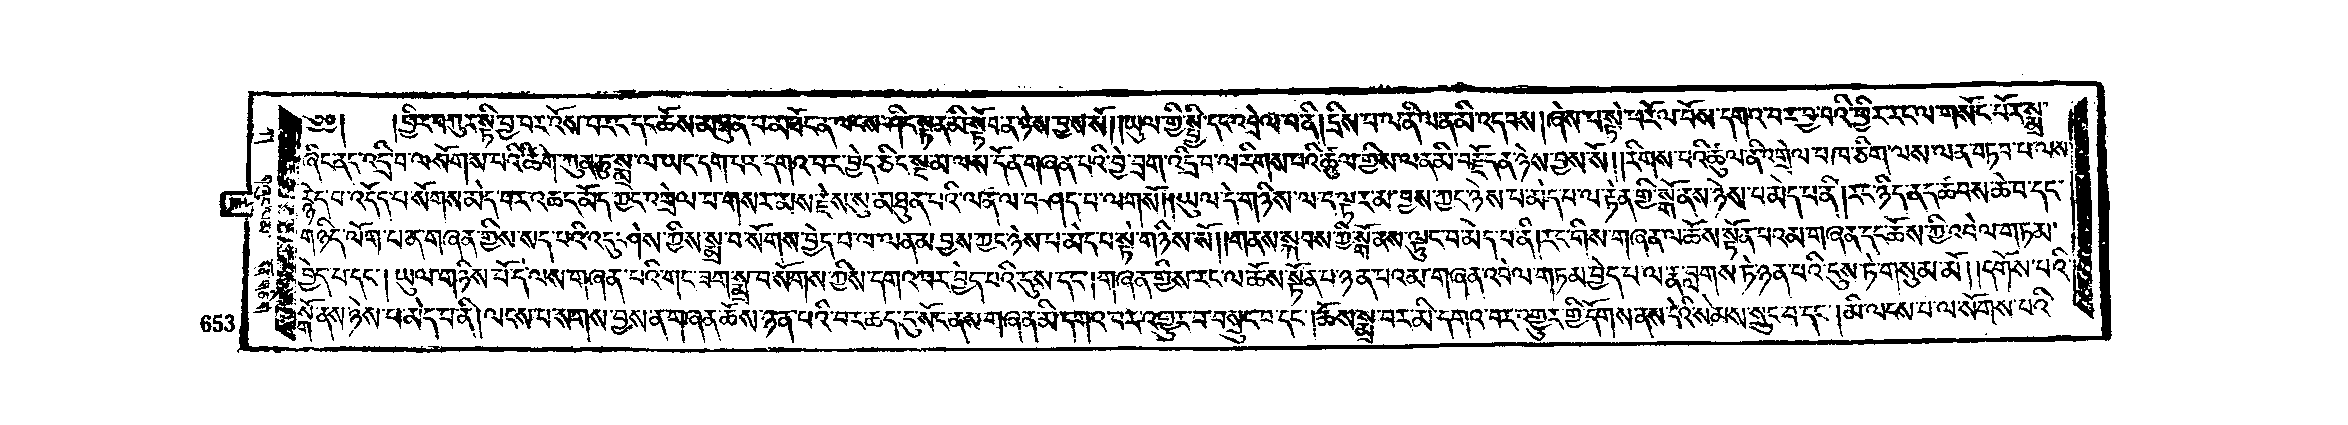༄༅། །ཕྱིར་བཀུར་སྟི་བྱ་བར་འོས་པ་རང་དང་ཆོས་མཐུན་པ་མཐོང་ན་ལངས་ཤིང་སྟན་མི་སྟོབ་ན་ཉེས་བྱས་སོ། །ཡུལ་གྱི་སྤྱི་དང་འབྲེལ་བ་ནི། དྲིས་པ་ལ་ནི་ལན་མི་འདབས། ཞེས་པ་སྟེ་ཕ་རོལ་པོས་དགའ་བར་བྱ་བའི་ཕྱིར་རང་ལ་གསོང་པོར་སྨྲ་
ཞིང་ནད་འདྲི་བ་ལ་སོགས་པའི་ཚིག་ཀུན་ཏུ་སྨྲ་ལ་ཡང་དག་པར་དགའ་བར་བྱེད་ཅིང་སྔ་མ་ལས་དོན་གཞན་པའི་བྱེ་བྲག་འདྲི་བ་ལ་རིགས་པའི་ཚུལ་གྱིས་ལན་མི་བརྗོད་ན་ཉེས་བྱས་སོ། །རིགས་པའི་ཚུལ་ནི་འགྲེལ་པ་ཁ་ཅིག་ལས་ལན་བཏབ་པ་ལས་
རྙེད་པ་འདོད་པ་སོགས་མེད་པར་འཆད་མོད་ཀྱང་འགྲེལ་པ་གསར་མས་རྗེས་སུ་མཐུན་པའི་ལན་ལ་བཤད་པ་ལགས་སོ། །ཡུལ་དེ་གཉིས་ལ་ད་ལྟར་མ་བྱས་ཀྱང་ཉེས་པ་མེད་པ་ལ་རྟེན་གྱི་སྒོ་ནས་ཉེས་པ་མེད་པ་ནི། རང་ཉིད་ནད་ཚབས་ཆེ་བ་དང་
གཉིད་ལོག་པ་ན་གཞན་གྱིས་སད་པའི་འདུ་ཤེས་ཀྱིས་སྨྲ་བ་སོགས་བྱེད་པ་ལ་ལན་མ་བྱས་ཀྱང་ཉེས་པ་མེད་པ་སྟེ་གཉིས་སོ། །གནས་སྐབས་ཀྱི་སྒོ་ནས་ལྟུང་བ་མེད་པ་ནི། རང་གིས་གཞན་ལ་ཆོས་སྟོན་པའམ་གཞན་དང་ཆོས་ཀྱི་འབེལ་གཏམ་
བྱེད་པ་དང་། ཡུལ་གཉིས་པོ་དེ་ལས་གཞན་པའི་གང་ཟག་སྨྲ་བ་སོགས་ཀྱིས་དགའ་བར་བྱེད་པའི་དུས་དང་། གཞན་གྱིས་རང་ལ་ཆོས་སྟོན་པ་ཉན་པའམ་གཞན་འབེལ་གཏམ་བྱེད་པ་ལ་རྣ་བླགས་ཏེ་ཉན་པའི་དུས་ཏེ་གསུམ་མོ། །དགོས་པའི་
སྒོ་ནས་ཉེས་པ་མེད་པ་ནི། ལངས་པ་སགས་བྱས་ན་གཞན་ཆོས་ཉན་པའི་བར་ཆད་དུ་སོང་ནས་གཞན་མི་དགའ་བར་འགྱུར་བ་བསྲུང་བ་དང་། ཆོས་སྨྲ་བར་མི་དགའ་བར་འགྱུར་གྱི་དོགས་ནས་དེའི་སེམས་སྲུང་བ་དང་། མི་ལངས་པ་ལ་སོགས་པའི་